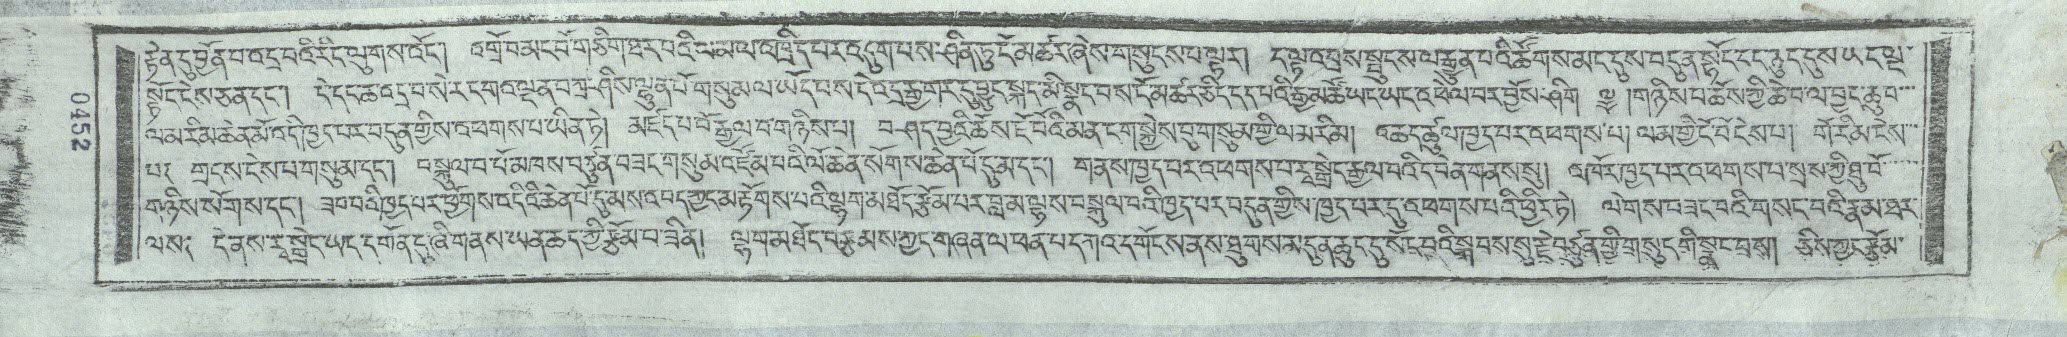རྟེན་དུ་བྱོན་པ་འདྲ་བའི་རིང་ལུགས་འོང་། འགྲོ་བ་མང་བོ་གཅིག་ཐར་པའི་ལམ་ལ་འཁྲིད་པར་འདུག་པས་ཤིན་ཏུ་ངོ་མཚར་ཞེས་གསུངས་པ་ལྟར། ད་ལྟ་འབྲས་སྤུངས་ལ་རྒྱུན་པའི་ཚོགས་མང་དུས་བདུན་སྟོང་ངང་ཉུད་དུས་ཡང་ལྔ་
སྟོང་ངེས་ཅན་དང་། དེ་དང་ཆ་འདྲ་བ་སེར་དགའ་ལྡན་བཀྲ་ཤིས་ལྷུན་པོ་གསུམ་ལ་ཡོད་པས་དེ་འདྲ་རྒྱ་གར་དུ་བྱུང་སྐད་མི་སྣང་བས་ངོ་མཚར་ཅིང་དད་པའི་རྒྱ་མཚོ་ཡང་ཡང་འཕེལ་བར་བྱོས་ཤིག ༈ །གཉིས་པ་ཆོས་ཀྱི་ཆེ་བ་ལ་བྱང་ཆུབ་
ལམ་རིམ་ཆེན་མོ་འདི་ཁྱད་པར་བདུན་གྱིས་འཕགས་པ་ཡིན་ཏེ། མཛད་པ་བོ་རྒྱལ་བ་གཉིས་པ། བཤད་བྱའི་ཆོས་ཇོ་བོའི་མན་ངག་སྐྱེས་བུ་གསུམ་གྱི་ལམ་རིམ། འཆད་ཚུལ་ཁྱད་པར་འཕགས་པ། ལམ་གྱི་ངོ་བོ་ངེས་པ། གོ་རིམ་ངེས་
པ༑ གྲངས་ངེས་པ་གསུམ་དང་། བསྐུལ་བ་པོ་མཁས་བཙུན་བཟང་གསུམ་འཛོམ་པའི་ལོ་ཆེན་སོགས་ཆེན་པོ་དུ་མ་དང་། གནས་ཁྱད་པར་འཕགས་པ་རྭ་སྒྲེང་རྒྱལ་བའི་དབེན་གནས་སུ། འཁོར་ཁྱད་པར་འཕགས་པ་སྲས་ཀྱི་ཐུ་བོ་
གཉིས་སོགས་དང་། ཟབ་པའི་ཁྱད་པར་ཕྱོགས་འདིའི་ཆེན་པོ་དུ་མས་འབད་ཀྱང་མ་རྟོགས་པའི་ལྷག་མཐོང་རྩོམ་པར་བླ་མ་ལྷས་བསྐུལ་བའི་ཁྱད་པར་བདུན་གྱིས་ཁྱད་པར་དུ་འཕགས་པའི་ཕྱིར་ཏེ། ལེགས་བཟང་བའི་གསང་བའི་རྣམ་ཐར་
ལས༑ དེ་ནས་རྭ་སྒྲེང་ཡང་དགོན་གནས་ཡན་ཆད་ཀྱི་རྩོམ་བ་ཟིན། ལྷག་མཐོང་བརྩམས་ཀྱང་གཞན་ལ་ཕན་པ་དཀའ་དགོངས་ནས་ཐུགས་མདུན་ཆུང་དུ་སོང་བའི་སྐབས་སུ་རྗེ་བཙུན་གྱི་གསུང་གི་སྣང་བས། ཅིས་ཀྱང་རྩོམ་